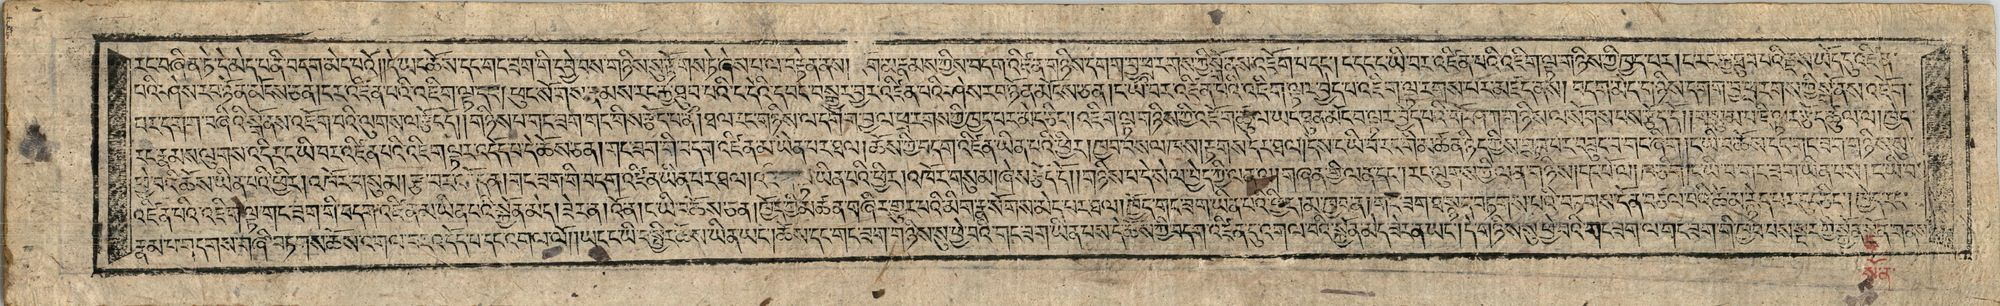རང་བཞིན་ཏེ་དེ་མེད་པ་ནི་བདག་མེད་པའོ། །དེ་ཡང་ཆོས་དང་གང་ཟག་གི་དབྱེ་བས་གཉིས་སུ་རྟོགས་ཏེ་ཞེས་པ་ལ་བརྟེན་ནས། འོག་མ་རྣམས་ཀྱིས་བདག་འཛིན་གཉིས་དགག་བྱ་ཕྲ་རགས་ཀྱི་སྒོ་ནས་འཇོག་པ་དང་། ང་དང་ང་ཡི་བར་འཛིན་པའི་འཇིག་ལྟ་གཉིས་ཀྱི་ཁྱད་པར། ང་རང་རྐྱ་ཐུབ་པའི་རྫས་ཡོད་དུ་འཛིན་
པའི་ཤེས་རབ་ཉོན་མོངས་ཅན། ངར་འཛིན་པའི་འཇིག་ལྟ་དང་། ཕུང་སོགས་རྣམས་རང་རྐྱ་ཐུབ་པའི་ང་དེའི་དབང་བསྒྱུར་བྱར་འཛིན་པའི་ཤེས་རབ་ཉོན་མོངས་ཅན། ང་ཡི་བར་འཛིན་པའི་འཇིག་ལྟར་བྱེད་པ་འཇིག་ལྟ་རགས་པར་མཛད་ནས། བདག་མེད་གཉིས་དགག་བྱ་ཕྲ་རགས་ཀྱི་སྒོ་ནས་འཇོག་
བར་དགག་བཞིའི་སྒོ་ནས་འཇོག་པའི་ལུགས་ལ་རྩོད་དོ། །གཉིས་པ་གང་ཟག་གང་གིས་རྩོད་པ་ནི། ཐལ་རང་གཉིས་ལ་དགག་བྱ་ལ་ཕྲ་རགས་ཀྱི་ཁྱད་པར་མེད་ཅིང་། འཇིག་ལྟ་གཉིས་ཀྱི་འཇོག་ཚུལ་ཡང་ཐུན་མོང་བ་ལྟར་བྱེད་པའི་གོ་ཤ་ཀ་གཉིས་ལ་སོགས་པས་རྩོད་དོ། །གསུམ་པ་ཇི་ལྟར་རྩོད་ཚུལ་ལ། ཁྱེད་
རང་རྣམས་ལུགས་འདིར་ང་ཡི་བར་འཛིན་པའི་འཇིག་ལྟར་འདོད་པ་དེ་ཆོས་ཅན། གང་ཟག་གི་བདག་འཛིན་མ་ཡིན་པར་ཐལ། ཆོས་ཀྱི་བདག་འཛིན་ཡིན་པའི་ཕྱིར། ཁྱབ་བསལ་ཁས། རྟགས་དེར་ཐལ། དེས་ང་ཡི་བ་རང་གི་མཚན་ཉིད་ཀྱིས་གྲུབ་པར་བཟུང་བ་གང་ཞིག །ང་ཡི་བ་ཆོས་དང་གང་ཟག་གཉིས་སུ་
ཕྱེ་བའི་ཆོས་ཡིན་པའི་ཕྱིར། འཁོར་གསུམ། རྩ་བར་འདོད་ན། གང་ཟག་གི་བདག་འཛིན་ཡིན་པར་ཐལ། འཇིག་ལྟ་ཡིན་པའི་ཕྱིར། འཁོར་གསུམ། ཞེས་རྩོད་དོ། །གཉིས་པ་དེ་སེལ་བྱེད་ཀྱི་ལན་ལ། གཞན་གྱི་ལན་དང་། རང་ལུགས་ཀྱི་ལན་གཉིས། དང་པོ་ལ། ཁ་ཅིག །ང་ཡི་བ་གང་ཟག་ཡིན་པས། ང་ཡི་བ་
འཛིན་པའི་འཇིག་ལྟ་གང་ཟག་གི་བདག་འཛིན་མ་ཡིན་པའི་སྐྱོན་མེད། ཟེར་ན། འོ་ན། ང་ཡི་བ་ཆོས་ཅན། ཁྱོད་ཀྱི་མཚན་གཞིར་གྱུར་པའི་མིག་རྣ་སོགས་མེད་པར་ཐལ། ཁྱོད་གང་ཟག་ཡིན་པའི་ཕྱིར། མ་ཁྱབ་ན། གང་ཟག་ཐ་སྙད་བཏགས་པའི་བཏགས་དོན་བཙལ་བའི་ཚེ་མ་རྙེད་པར་བུད་ཅིང་། ཁྱེད་རང་
རྣམ་པ་གདགས་གཞི་བཏགས་ཆོས་འགལ་བར་འདོད་པ་དང་འགལ་ལོ། །ཡང་ང་ཡི་བ་སྤྱིར་ཆོས་ཡིན་ཡང་། ཆོས་དང་གང་ཟག་གཉིས་སུ་ཕྱེ་བའི་གང་ཟག་ཡིན་པས་དེ་ཆོས་ཀྱི་བདག་འཛིན་དུ་འགལ་བའི་སྐྱོན་མེད་ཟེར་ན་ཡང་། དེ་གཉིས་སུ་ཕྱེ་བའི་གང་ཟག་ལ་གང་ཟག་གི་ཁྱབ་པས་སྔར་གྱི་སྐྱོན་སོ་ན་གནས་